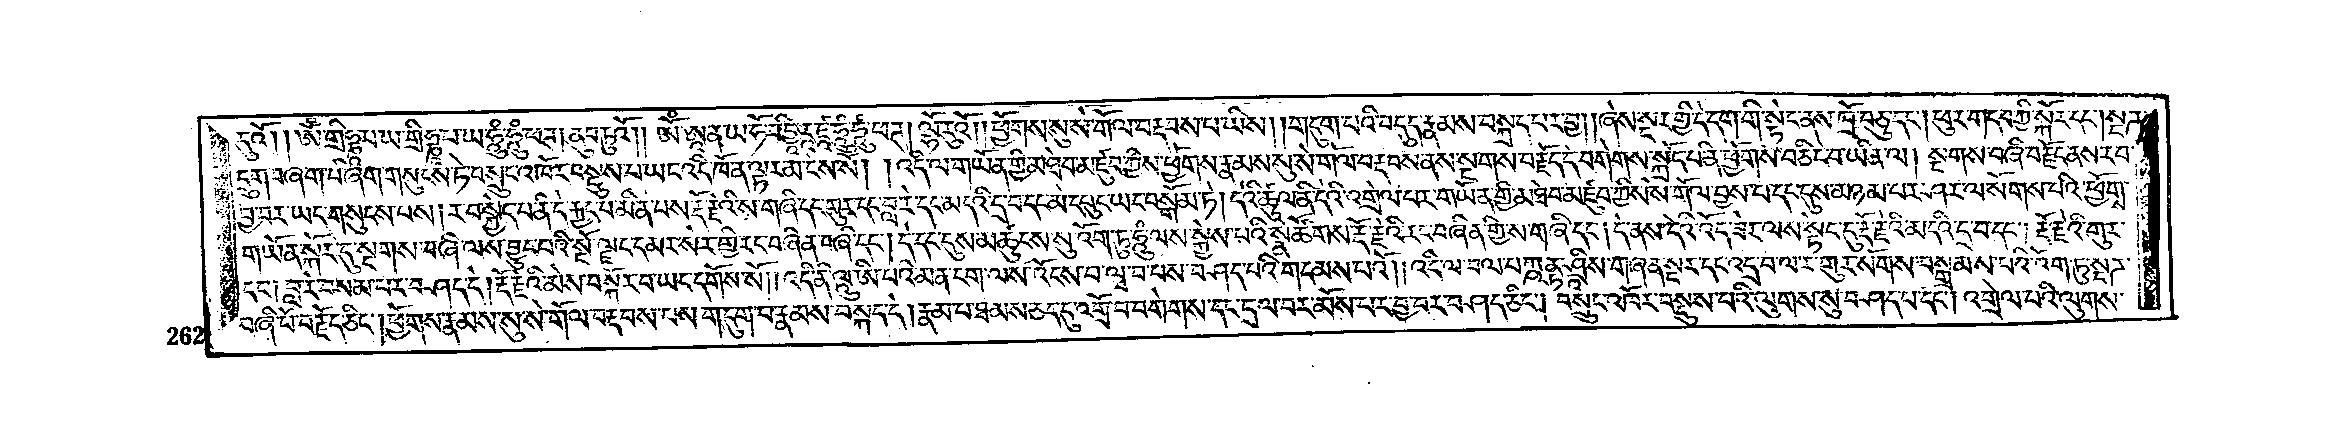དུའོ། །ཨོཾ་གྲིཧྞཱ་པ་ཡ་གྲིཧྞཱ་པ་ཡ་ཧཱུཾ་ཧཱུཾ་ཕཊ། ནུབ་ཏུའོ། །ཨོཾ་ཨཱ་ན་ཡ་ཧོ་བིདྱཱ་རཱ་ཛཱ་ཧཱུཾ་ཧཱུཾ་ཕཊ། ལྷོ་རུའོ། །ཕྱོགས་སུ་སེ་གོལ་བརྡབས་པ་ཡིས། །གདུག་པའི་བདུད་རྣམས་བསྐྲད་པར་བྱ། །ཞེས་སྔར་གྱི་དེ་དག་གི་སྟེང་ནས་ཁྲོ་བཅུ་དང་། ཕུར་གདབ་ཀྱི་སྐོར་དང་། སྔགས་
དྲུག་བཞག་པ་ཞིག་གསུངས་ཏེ་བསྲུང་འཁོར་བསྡུས་པ་ཡང་འདི་ཁོ་ན་ལྟར་མ་ངེས་སོ། །འདི་ལ་གཡོན་གྱི་མཐེབ་མཛུབ་ཀྱིས་ཕྱོགས་རྣམས་སུ་སེ་གོལ་བརྡབས་ནས་སྔགས་བརྗོད་དེ་བགེགས་སྐྲོད་པ་ནི་ཕྱོགས་བཅིང་བ་ཡིན་ལ། སྔགས་བཞི་བརྗོད་ནས་ར་བ་
བྱ་བར་ཡང་གསུངས་པས། ར་བསྐྱེད་པ་ནི་དེ་རྐྱང་པ་མིན་པས་རྡོ་རྗེའི་ས་གཞི་དང་གུར་དང་བླ་རེ་དང་མདའི་དྲ་བ་དང་མེད་པུང་ཡང་བསྒོམ་ཏེ། དེའི་ཚུལ་ནི་དེའི་འགྲེལ་པར་གཡོན་གྱི་མཐེབ་མཛུབ་ཀྱིས་སེ་གོལ་བྱས་པ་དང་དུས་མཉམ་པར་ཤར་ལ་སོགས་པའི་ཕྱོགས་
གཡོན་སྐོར་དུ་སྔགས་བཞི་ལས་བྱུང་བའི་སྔོ་ལྗང་དམར་སེར་གྱི་རང་བཞིན་བཞི་དང་། དེ་དང་དུས་མཚུངས་སུ་འོག་ཏུ་ཧཱུཾ་ལས་སྐྱེས་པའི་སྣ་ཚོགས་རྡོ་རྗེའི་རང་བཞིང་ཡི་ས་གཞི་དང་། དེ་ནས་དེའི་འོད་ཟེར་ལ་སྟེང་དུ་རྡོ་རྗེའི་མདའི་དྲ་བ་དང་། རྡོ་རྗེའི་གུར་
དང་། བླ་རེ་བསམ་པར་བཤད་དེ། རྡོ་རྗེའི་མེས་བསྐོར་བ་ཡང་དགོས་སོ། །འདི་ནི་ལཱུ་ཨེ་པའི་མན་ནག་ལས་འོངས་པ་ལྭ་བ་པས་བཤད་པའི་གདམས་པའོ། །འདི་ལ་བལ་པ་ཀྵནྟ་ཤྲཱིས་གཞན་སྔར་དང་འདྲ་བ་ལ་ར་གུར་སོགས་བསྒམས་པའི་འོག་ཏུ་སྔགས་
བཞི་པོ་བརྗོད་ཅིང་། ཕྱོགས་རྣམས་སུ་སེ་གོལ་བརྡབས་པས་གདུག་པ་རྣམས་བསྐད་དེ། རྣམ་པ་ཐམས་ཅད་དུ་འགྲོ་བ་བགེགས་དང་དྲལ་བར་མོས་པར་བྱ་བར་བཤད་ཅིང་། བསྲུང་འཁོར་བསྡུས་པའི་ལུགས་སུ་བཤད་པ་དང་། འགྲེལ་པའི་ལུགས་